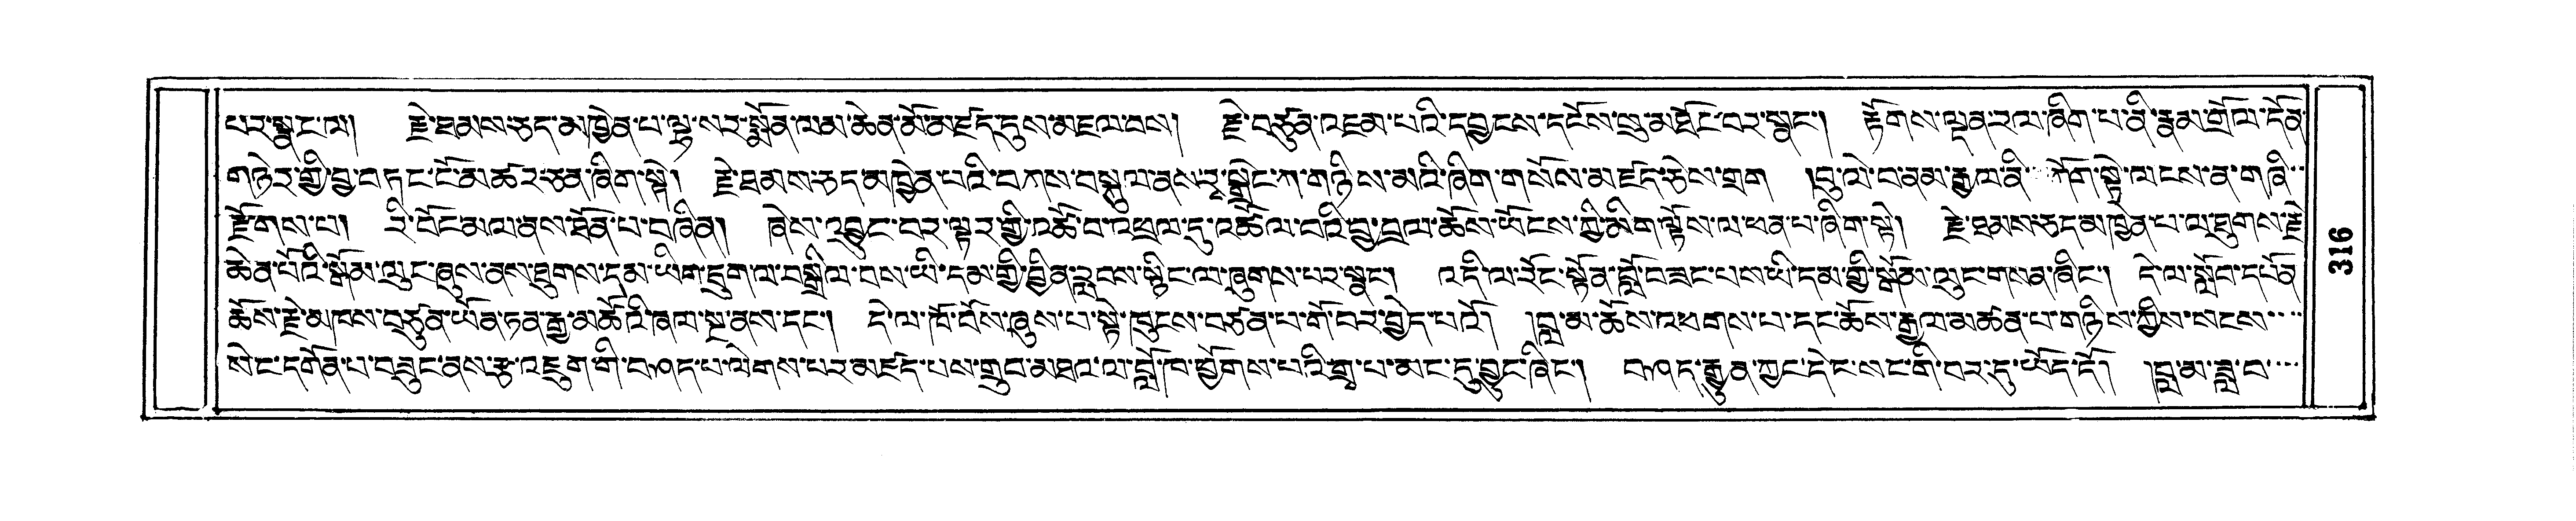པར་སྣང་ལ། རྗེ་ཐམས་ཅད་མཁྱེན་པ་ལྷ་སར་སྨོན་ལམ་ཆེན་མོ་མཛད་དུས་མཇལ་བས། རྗེ་བཙུན་འཇམ་པའི་དབྱངས་དངོས་སུ་མཐོང་བར་སྣང་། རྟོགས་ལྡན་རལ་ཞིག་པ་ནི་རྣམ་གྲོལ་དོན་
གཉེར་གྱི་བྱ་བཏང་ངོ་མཚར་ཅན་ཞིག་སྟེ། རྗེ་ཐམས་ཅད་མཁྱེན་པའི་བཀས་བསྐུལ་ནས་རྭ་སྒྲེང་ཀ་གཉིས་མའི་ཞིག་གསོས་མཛད་ཅེས་གྲག །བུ་ལེ་བ་ནམ་རྒྱལ་ནི་ཀོག་སྟེ་ལངས་ན་གཞི་
རྫོགས་པ། རི་བོང་མལ་ནས་ཐོན་པ་བཞིན། ཞེས་འབྱུང་བར་ལྟར་གྱི་འཚོ་བ་འཕྲལ་དུ་འཚོལ་བའི་བྱ་བྲལ་ཆོས་ཡོངས་ཀྱི་མིག་ལྟོས་ལ་ཕན་པ་ཞིག་སྟེ། རྗེ་ཐམས་ཅད་མཁྱེན་པ་ལ་ཐུགས་རྗེ་
ཆེན་པོའི་སྒོམ་ལུང་ཞུས་ནས་ཐུགས་དམ་ཡིག་དྲུག་ལ་བསྒྲིལ་བས་ཡི་དམ་གྱི་བྱིན་རླབས་སྙིང་ལ་ཞུགས་པར་སྣང་། འདི་ལ་རོང་སྟོན་བློ་བཟང་པས་ཡི་དམ་གྱི་སྒོམ་ལུང་གསན་ཞིང་། དེ་ལ་སློབ་དཔོན་
ཆོས་རྗེ་མཁས་བཙུན་ཡོན་ཏན་རྒྱ་མཚོའི་ཞལ་སྔ་ནས་དང་། དེ་ལ་ཁོ་བོས་ཞུས་པ་སྟེ་ཁུངས་བཙན་པ་གོ་བར་བྱེད་པའོ། །བླ་མ་ཆོས་འཕགས་པ་དང་ཆོས་རྒྱལ་མཚན་པ་གཉིས་ཀྱིས་སངས་
སེང་དགོན་པ་བཟུང་ནས་རྩ་འཇུག་གི་བཤད་པ་ལེགས་པར་མཛད་པས་གྲུབ་མཐའ་ལ་བློ་ཁ་ཕྱོགས་པའི་གྲྭ་པ་མང་དུ་བྱུང་ཞིང་། བཤད་རྒྱུན་ཀྱང་དེང་སང་གི་བར་དུ་ཡོད་དོ། །བླ་མ་ཟླ་བ་